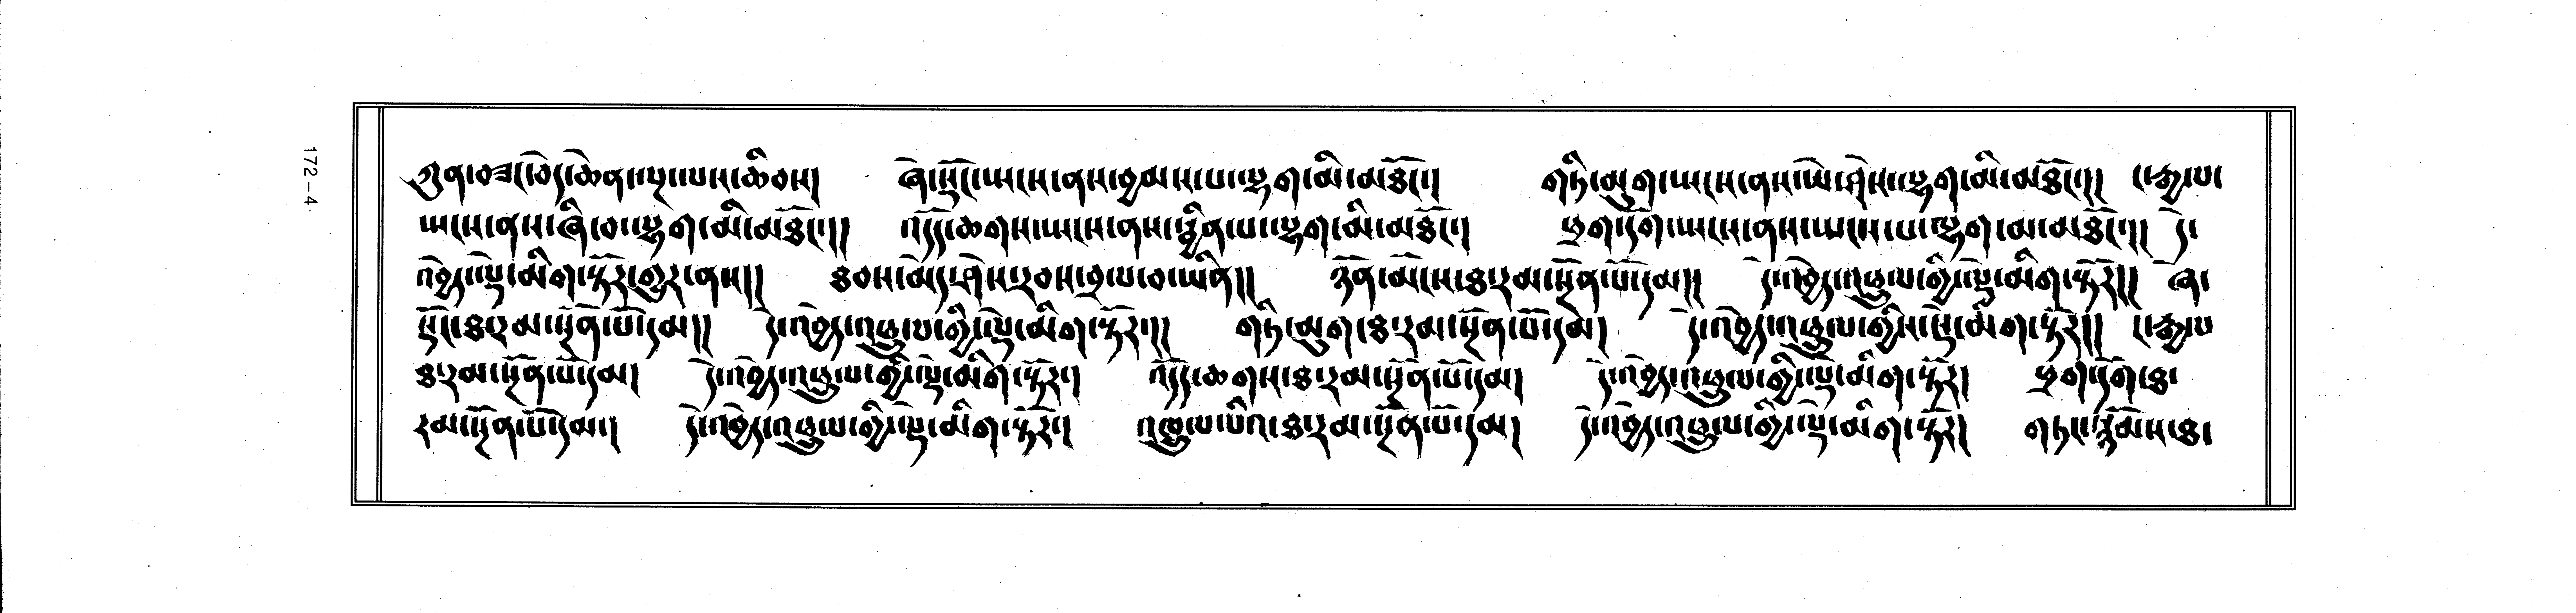ཀུན་བཟང་བདེ་ཆེན་ལྔ་ལ་ཆིབས། ཞེ་སྡང་སྤངས་ནས་བྱམས་པ་ལྷག་མི་མཐོང་། གཏི་མུག་སྤངས་ནས་ཡེ་ཤེས་ལྷག་མི་མཐོང་། ང་རྒྱལ་
སྤངས་ནས་ཞི་བ་ལྷག་མི་མཐོང་། འདོད་ཆགས་སྤངས་ནས་སྦྱིན་པ་ལྷག་མི་མཐོང་། ཕྲག་དོག་སྤངས་ནས་ཡངས་པ་ལྷག་མི་མཐོང་། དེ་
འབྱེད་ལྡེ་མིག་སྟོར་གྱུར་ནས། ཐབས་མེད་ཤེས་རབ་བྲལ་བ་ཡིན། ཉོན་མོངས་ཐ་རམ་སྔོན་པོ་དམ། དེ་འབྱེད་འཕྲུལ་གྱི་ལྡེ་མིག་སྟོར། ཞེ་
སྡང་ཐ་རམ་སྔོན་པོ་དམ། དེ་འབྱེད་འཕྲུལ་གྱི་ལྡེ་མིག་སྟོར། གཏི་མུག་ཐ་རམ་སྔོན་པོ་དམ། དེ་འབྱེད་འཕྲུལ་གྱི་སྡེ་མིག་སྟོར། ང་རྒྱལ་
ཐ་རམ་སྔོན་པོ་དམ། དེ་འབྱེད་འཕྲུལ་གྱི་ལྡེ་མིག་སྟོར། འདོད་ཆགས་ཐ་རམ་སྔོན་པོ་དམ། དེ་འབྱེད་འཕྲུལ་གྱི་ལྡེ་མིག་སྟོར། ཕྲག་དོག་ཐ་
རམ་སྔོན་པོ་དེམ། དེ་འབྱེད་འཕྲུལ་གྱི་ལྡེ་མིག་སྟོར། འཁྲུལ་པའི་ཐ་རམ་སྔོན་པོ་དམ། དེ་འབྱེད་འཕྲུལ་གྱི་ལྡེ་མིག་སྟོར། བཏང་སྙོམས་ཐ་